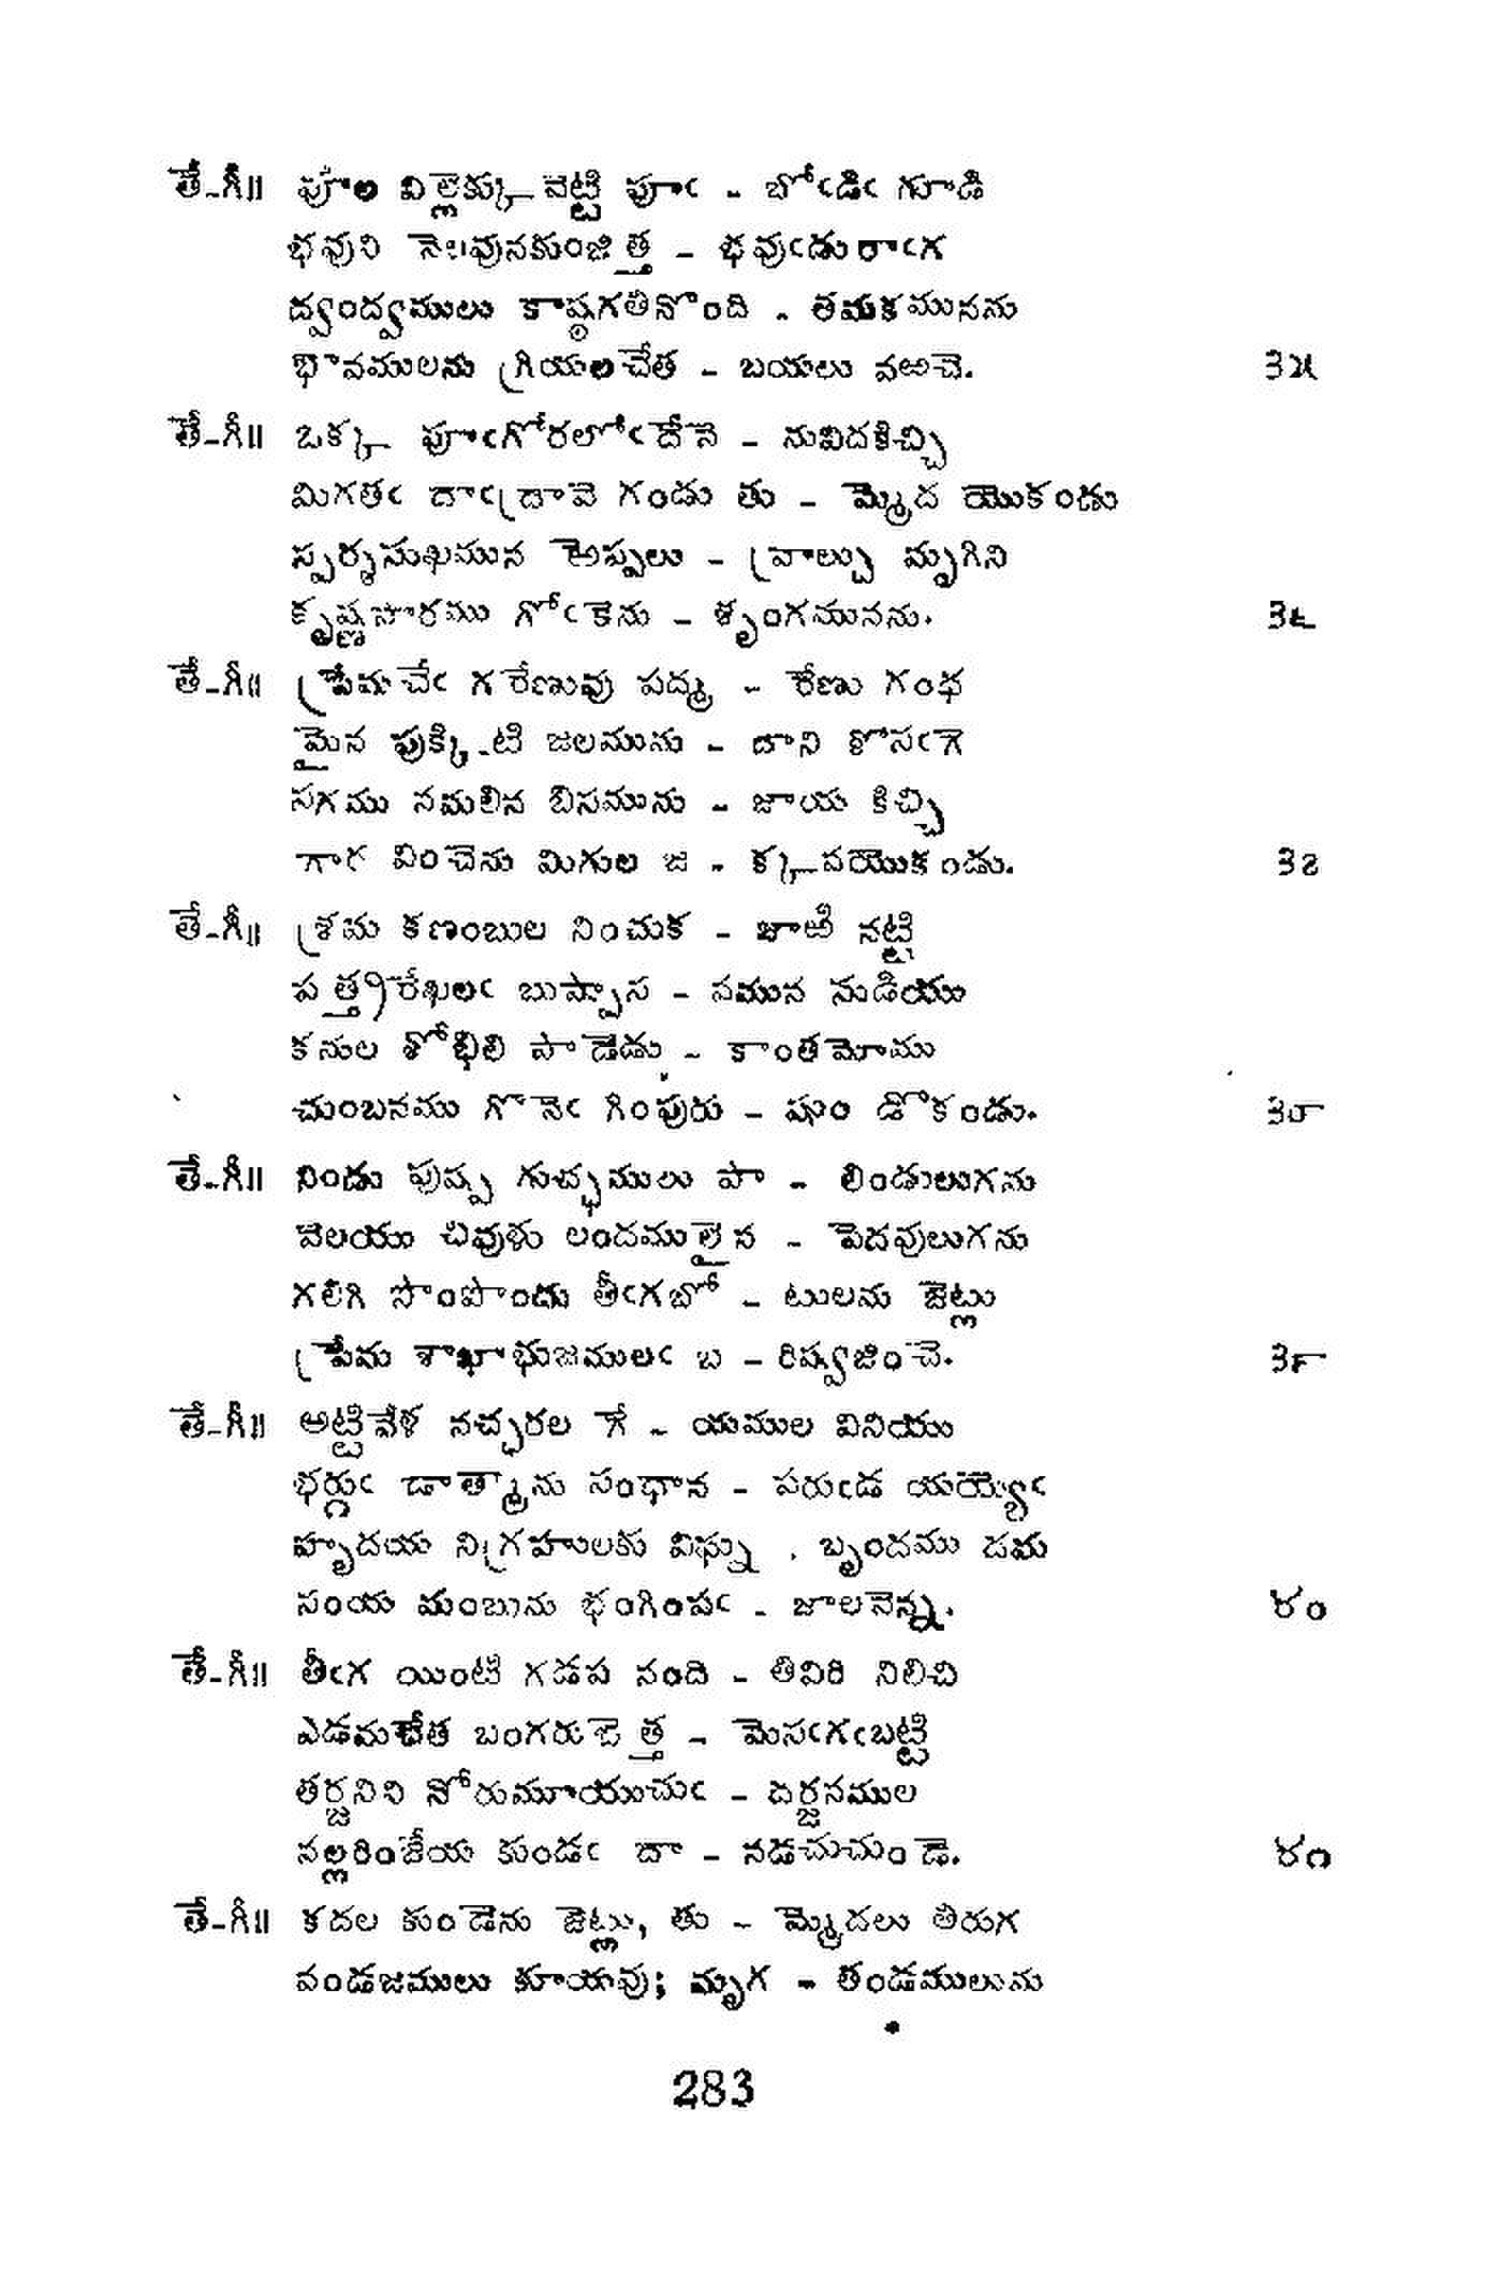తే-గీ|| పూల విల్లెక్కుపట్టి పూ - బోడి గూడి
 భవుని నెలవునకుంజిత్త - భవుడురాగ
 ద్వంద్వమ్లు కాష్ఠగతినొంది - తమకమునను
 భావమ్లను గ్రియలచేతల్ల్ - బయలు నఱచె 35
తే-గీ|| ఒక్క పూవోరలోదెనె - నువిదకిచ్చి
 మిగత దాద్రావె గండు తు -మ్మెద యొకండు
 స్పర్శసుఖమున ఱెప్పలు - వ్రాల్చు మృగిని
 కృష్ణసారము గొకెను - శృంగమునను. 36
తే-గీ|| ప్రేమచే గరేణువు పద్మ - రేణు గంధ
 మైన పుక్కిటి జలమును - దాని కొసగె
 సగము నమలిన బిసమును - జాయ కిచ్చి
 గార వించెను మిగుల జ -క్కవయొకండు 37
తే-గీ|| శ్రమ కణంబుల నించుక - జాఱి నట్టి
 సత్త్రరేఖల బుష్పాస - నమున నుడియు
 కనుల శోబ్నిలి పాడేడు - కాంతమోము
 చుంబనము గొనె గింపురు - షుం డొకండు. 38
తే-గీ|| నిండు పుష్ప గుచ్చములు పా - లిండులుగను
 నెలయు చివుళు లందములైన - పెదవులుగను
 గలిగి సాంపొందు తీగలో - టులను జెట్లు
 ప్రేమ శాఖాబుజముల బ -రిష్వజించె. 39
తే-గీ|| అట్టివేళ నచ్చరల గే - యముల వినియు
 భర్గు డాత్మాను సంధాన - పరుండ యయ్యె
 హృదయ నిగ్రహులకు విస్సు - బృందము దమ
 సంయ మంబును భంగిప - జాలవెన్న 40
తే-గీ|| తీగ యింటె గడప నంది - తివిరి నిలిచి
 ఎడమచేత బఆంగరుబెత్త - మొసగబట్టి
 తర్జనిని నోరుమూయుచు - దర్జనముల
 నల్లరింజేయ కుండ దా - నడచుచుండే. 41
తే-గీ|| కదల కుండెను జెట్లు, తు - మ్మెదలు తిరుగ
 వండజములు కూయవు; మృగ - తండమ్లును